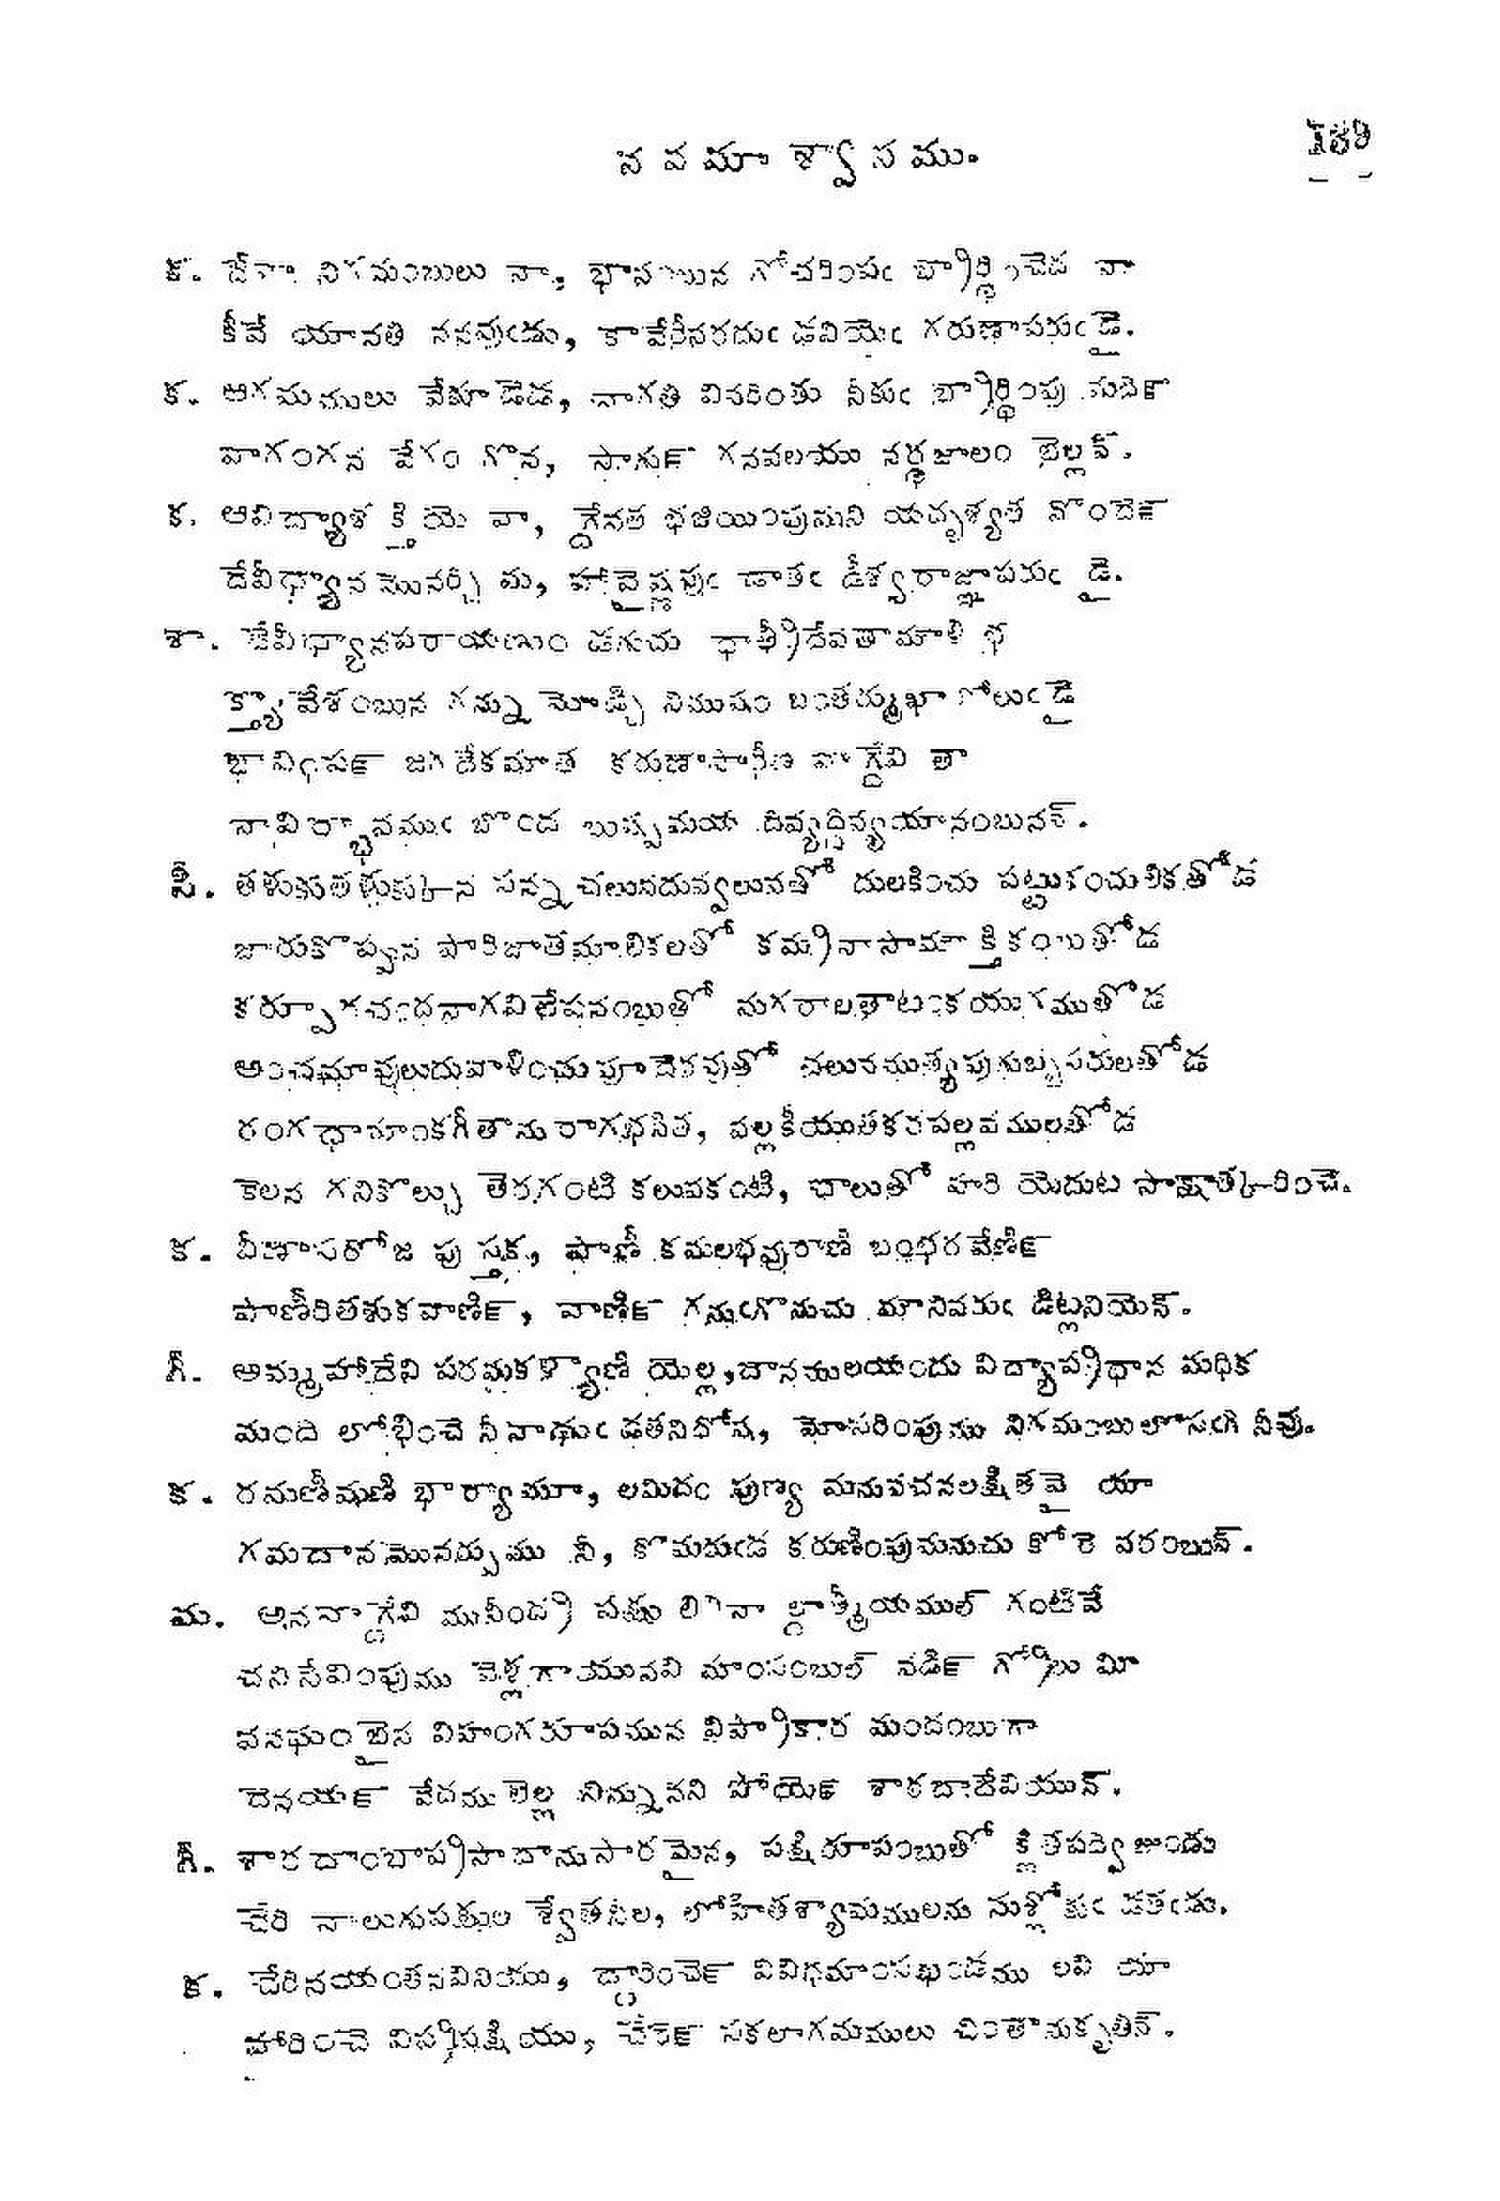క. దేవా నిగమంబులు నా, భాసంబున గోచరింపఁ బ్రార్థించెద నా
 కీవే యానతి ననవుఁడు, కావేరీవరదుఁ డనియెఁ గరుణాపరుఁడై.
క. ఆగమములు వేకూడెడ, నాగతి వివరింతు నీకుఁ బ్రార్థింపు మదన్
 వాగంగన వేగం గొన, సాగునా గనవలయు నర్థజాలం బెల్లన్.
క. ఆవిద్యాశక్తియె వా, గ్దేవత భజియింపుమని యదృశ్యత నొందెన్
 దేవీధ్యాన మొనర్చి మ, హావైష్ణవుఁ డాతఁ డీశ్వరాజ్ఞాపరుఁ డై.
శా. దేవీధ్యానపరాయణుం డగుచు ధాత్రీదేవతామౌళి భ
 క్త్యావేశంబున గన్ను మోడ్చి నిముషం బంతర్ముఖాలోలుఁడై
 భావింపన్ జగదేకమాత కరుణాపారీణ వాగ్గేవి తా
 నావిర్భావముఁ బొంద బుష్పమయదివ్యద్దివ్యయానంబునన్.
సీ. తళుకుతళుక్కున సన్నచలువదువ్వలువతో దులకించు పట్టుకంచులికతోడ
 జారుకొప్పున పారిజాతమాలికలతో కమ్రనాసామౌక్తికంబుతోడ
 కర్పూరచందనాగవిలేపనంబుతో మగరాలతాటంకయుగముతోడ
 అంచమావులుదువాళించుపూదెెరవుతో చలువముత్యపుగుబ్బసరులతోడ
 రంగధామాంకగీతానురాగభసిత, వల్లకీయుతకకరపల్లవములతోడ
 కెలన గనికొల్చు తెరగంటి కలువకంటి, చాలుతో హరి యెదుట సాక్షాత్కరించె.
క. వీణాసరోజపుస్తక, పాణీ కమలభవురాణి బంభరగవేణీన్
 పాణీరితశుకవాణిన్, వాణిన్ గనుఁగొనుచు మౌనివరుఁ డిట్లనియెన్.
గీ. అమ్మహాదేవి పరమకళ్యాణి యెల్ల, దానములయందు విద్యాప్రధాన మధిక
 మంది లోభించె నీనాథుఁ డతనిదోష, మోసరింపుము నిగమంబు లొసఁగి నీవు.
క. రమణీమణి భార్యామూ, లమిదం పుణ్య మనువచనలక్షితవై యా
 గమదాన మొనర్పుము నీ, కొమరుఁడ కరుణింపుమనుచు కోరె వరంబున్.
మ. అన వాగ్దేవి మునీంద్ర పక్షు లివినా ల్గాత్మీయముల్ గంటివే
 చని సేవింపుము వెళ్లగాయునవి మాంసంబుల్ వడిన్ గోలు మీ
 వనఘం బైన విహంగరూపమున విప్రాకార మందంబుగా
 దెనయన్ వేదము లెల్ల నిన్నునని పోయెన్ శారదాదేవియున్.
గీ. శారదాంబాప్రసాదానుసారమైన, పక్షిరూపంబుతో క్లితపద్విజుండు
 చేరి నాలుగుపక్షుల శ్వేతనీల, లోహితశ్యామములను సుశ్లోకుఁ డతఁడు.
క. చేరినయంతనవిని యు, ద్గారించెన్ వివిధమాంసఖండము లవి యా
 హారించె విప్రపక్షియు, చేరెన్ సకలాగమములు చింతానుకృతిన్.